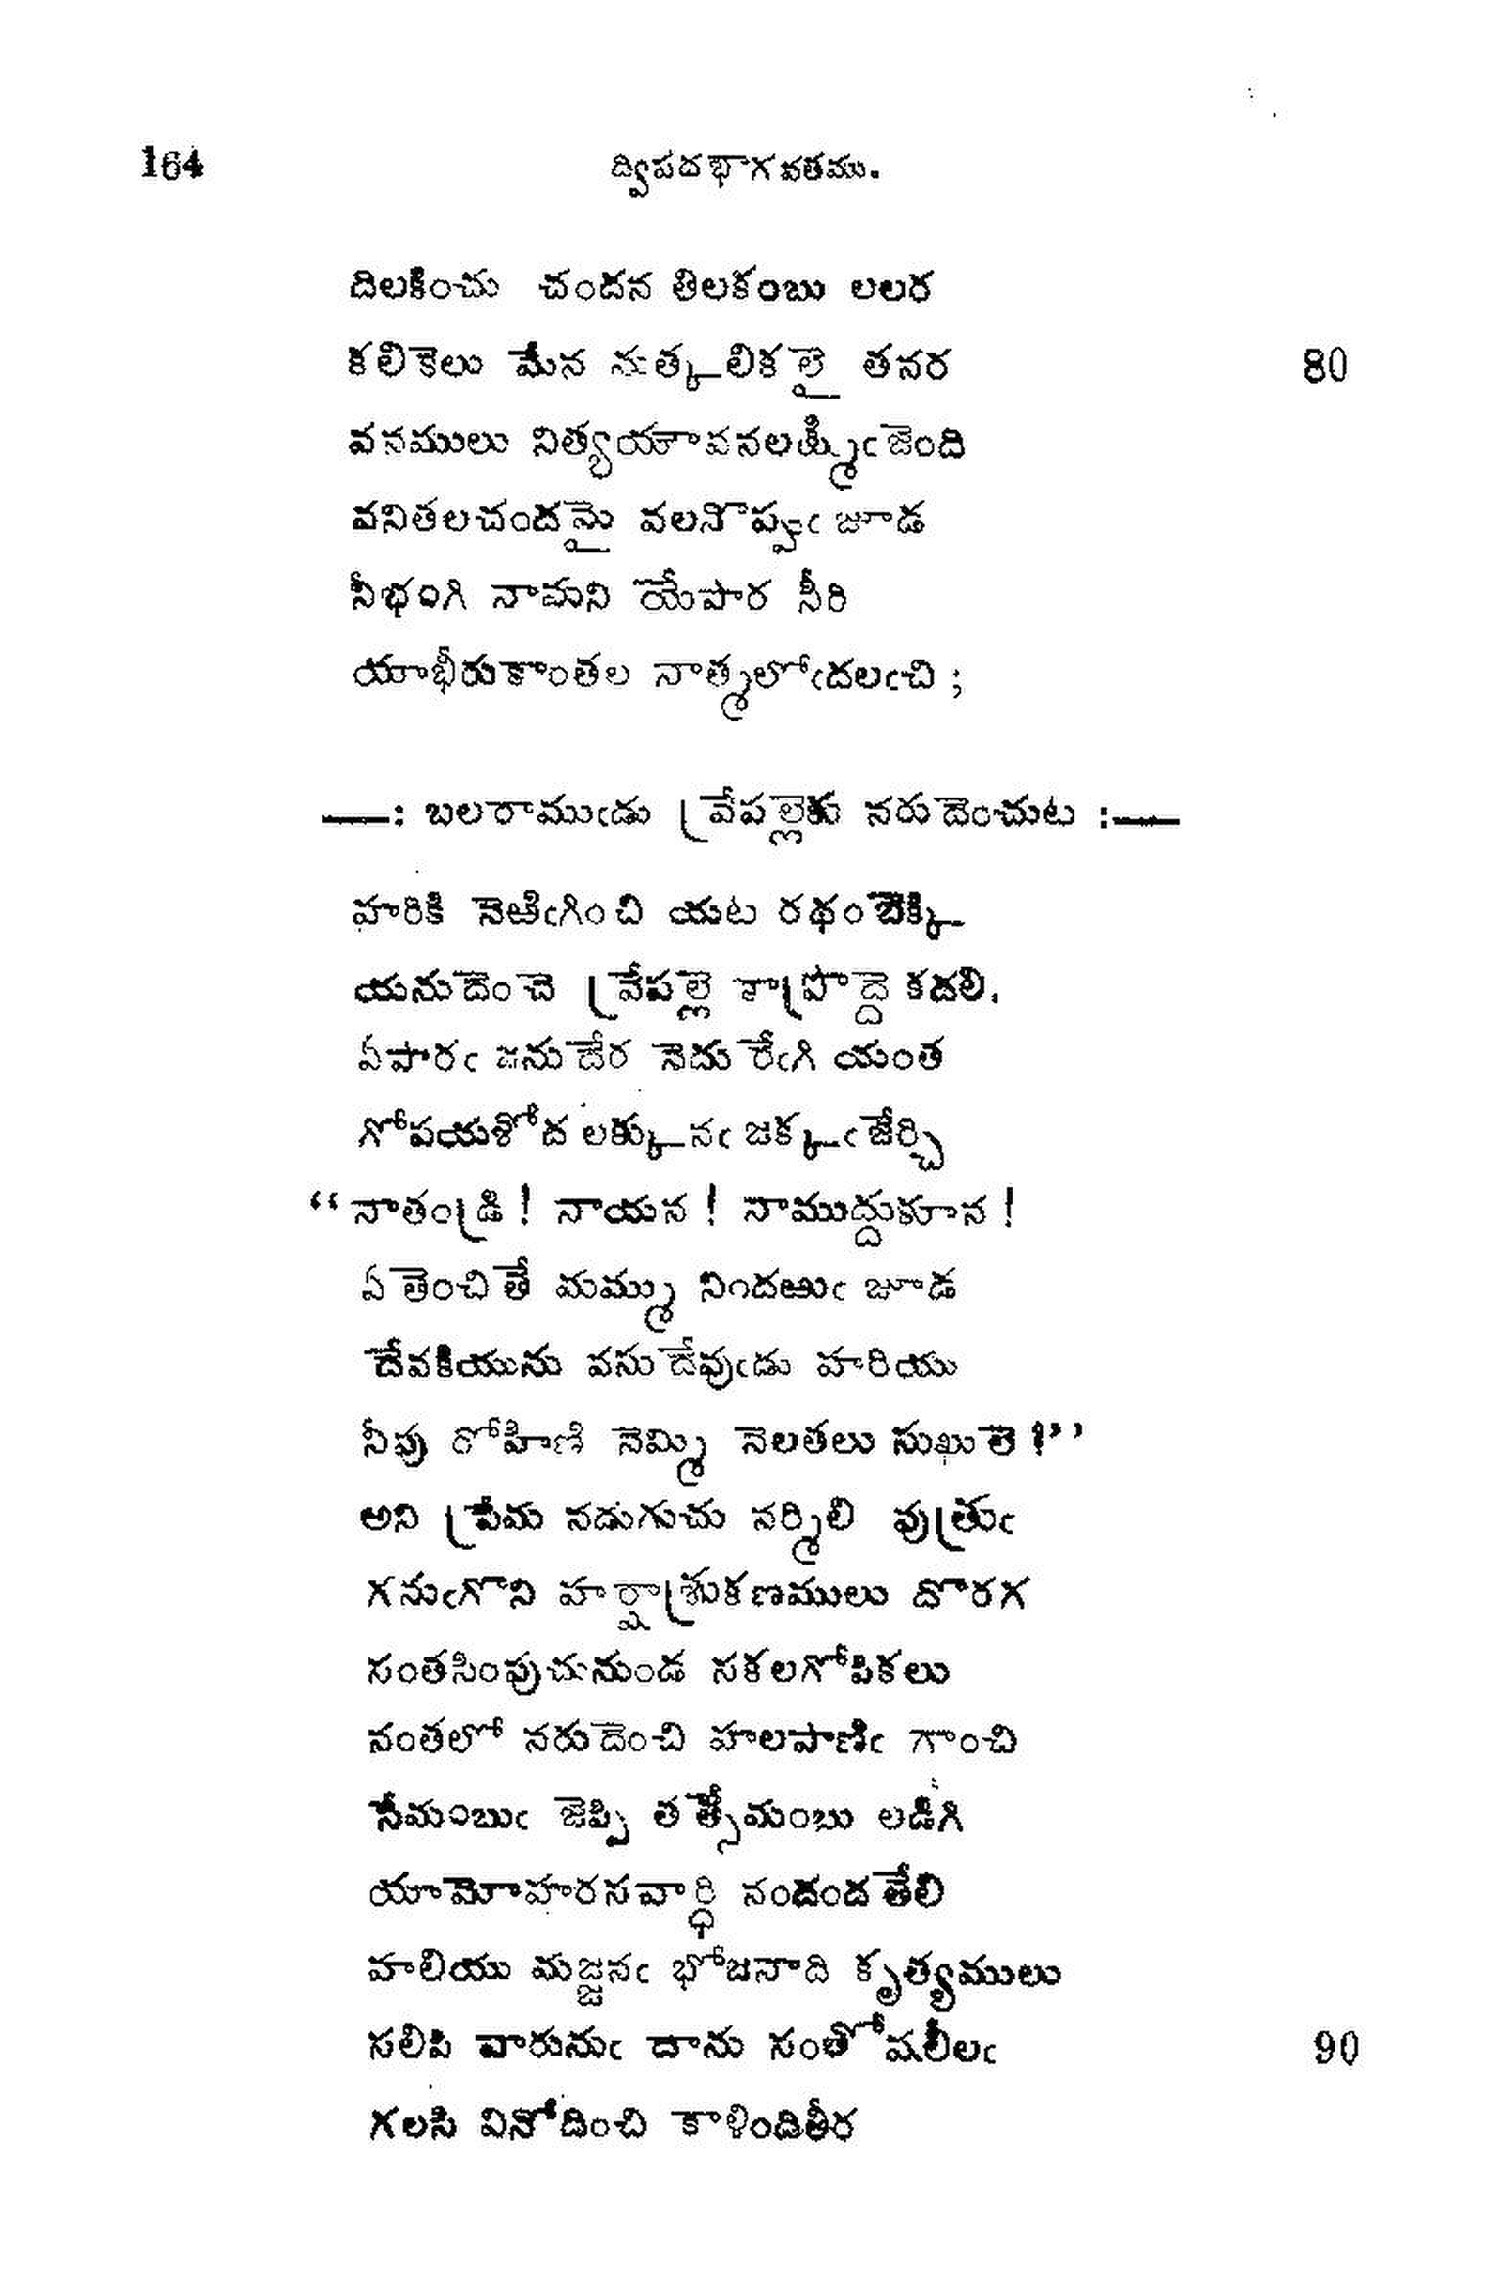దిలకించు చందన తిలకంబు లలర 
కలికెలు మేన నుత్కలికలై తనర
వనములు నిత్యయౌవనలక్ష్మిఁ జెంది
వనితలచందమై వలనొప్పుఁ జూడ
నీభంగి నామని యేపార సీరి
యాభీరుకాంతల నాత్మలోఁదలఁచి;
 

హరికి నెఱింగించి యట రథంబెక్కి
యరుదెంచె వ్రేపల్లె కాప్రొద్దె కదలి
ఏపారఁ జనుదేర నెదురేఁగి యంత
గోపయశోద లక్కునఁ జక్కఁజేర్చి
“నాతండ్రి! నాయన! నాముద్దుకూన! 
ఏతెంచితే మమ్ము నిందఱుఁ జూడ
దేవకియును వసుదేవుఁడు హరియు
నీవు రోహిణి నెమ్మి నెలతలు సుఖులె?”
అని ప్రేమ నడుగుచు నర్మిలి పుత్రుఁ
గనుఁగొని హర్షాశ్రుకణములు దొరగ
సంతసింపుచునుండ సకలగోపికలు
నంతలో నరుదెంచి హలపాణిఁ గాంచి
సేమంబుఁ జెప్పి తత్సేమంబు లడిగి
యామోహరసవార్ధి నందందతేలి
హలియు మజ్జనఁ భోజనాది కృత్యములు
సలిపి వారునుఁ దాను సంతోషలీలఁ
గలసి వినోదించి కాళిందితీర